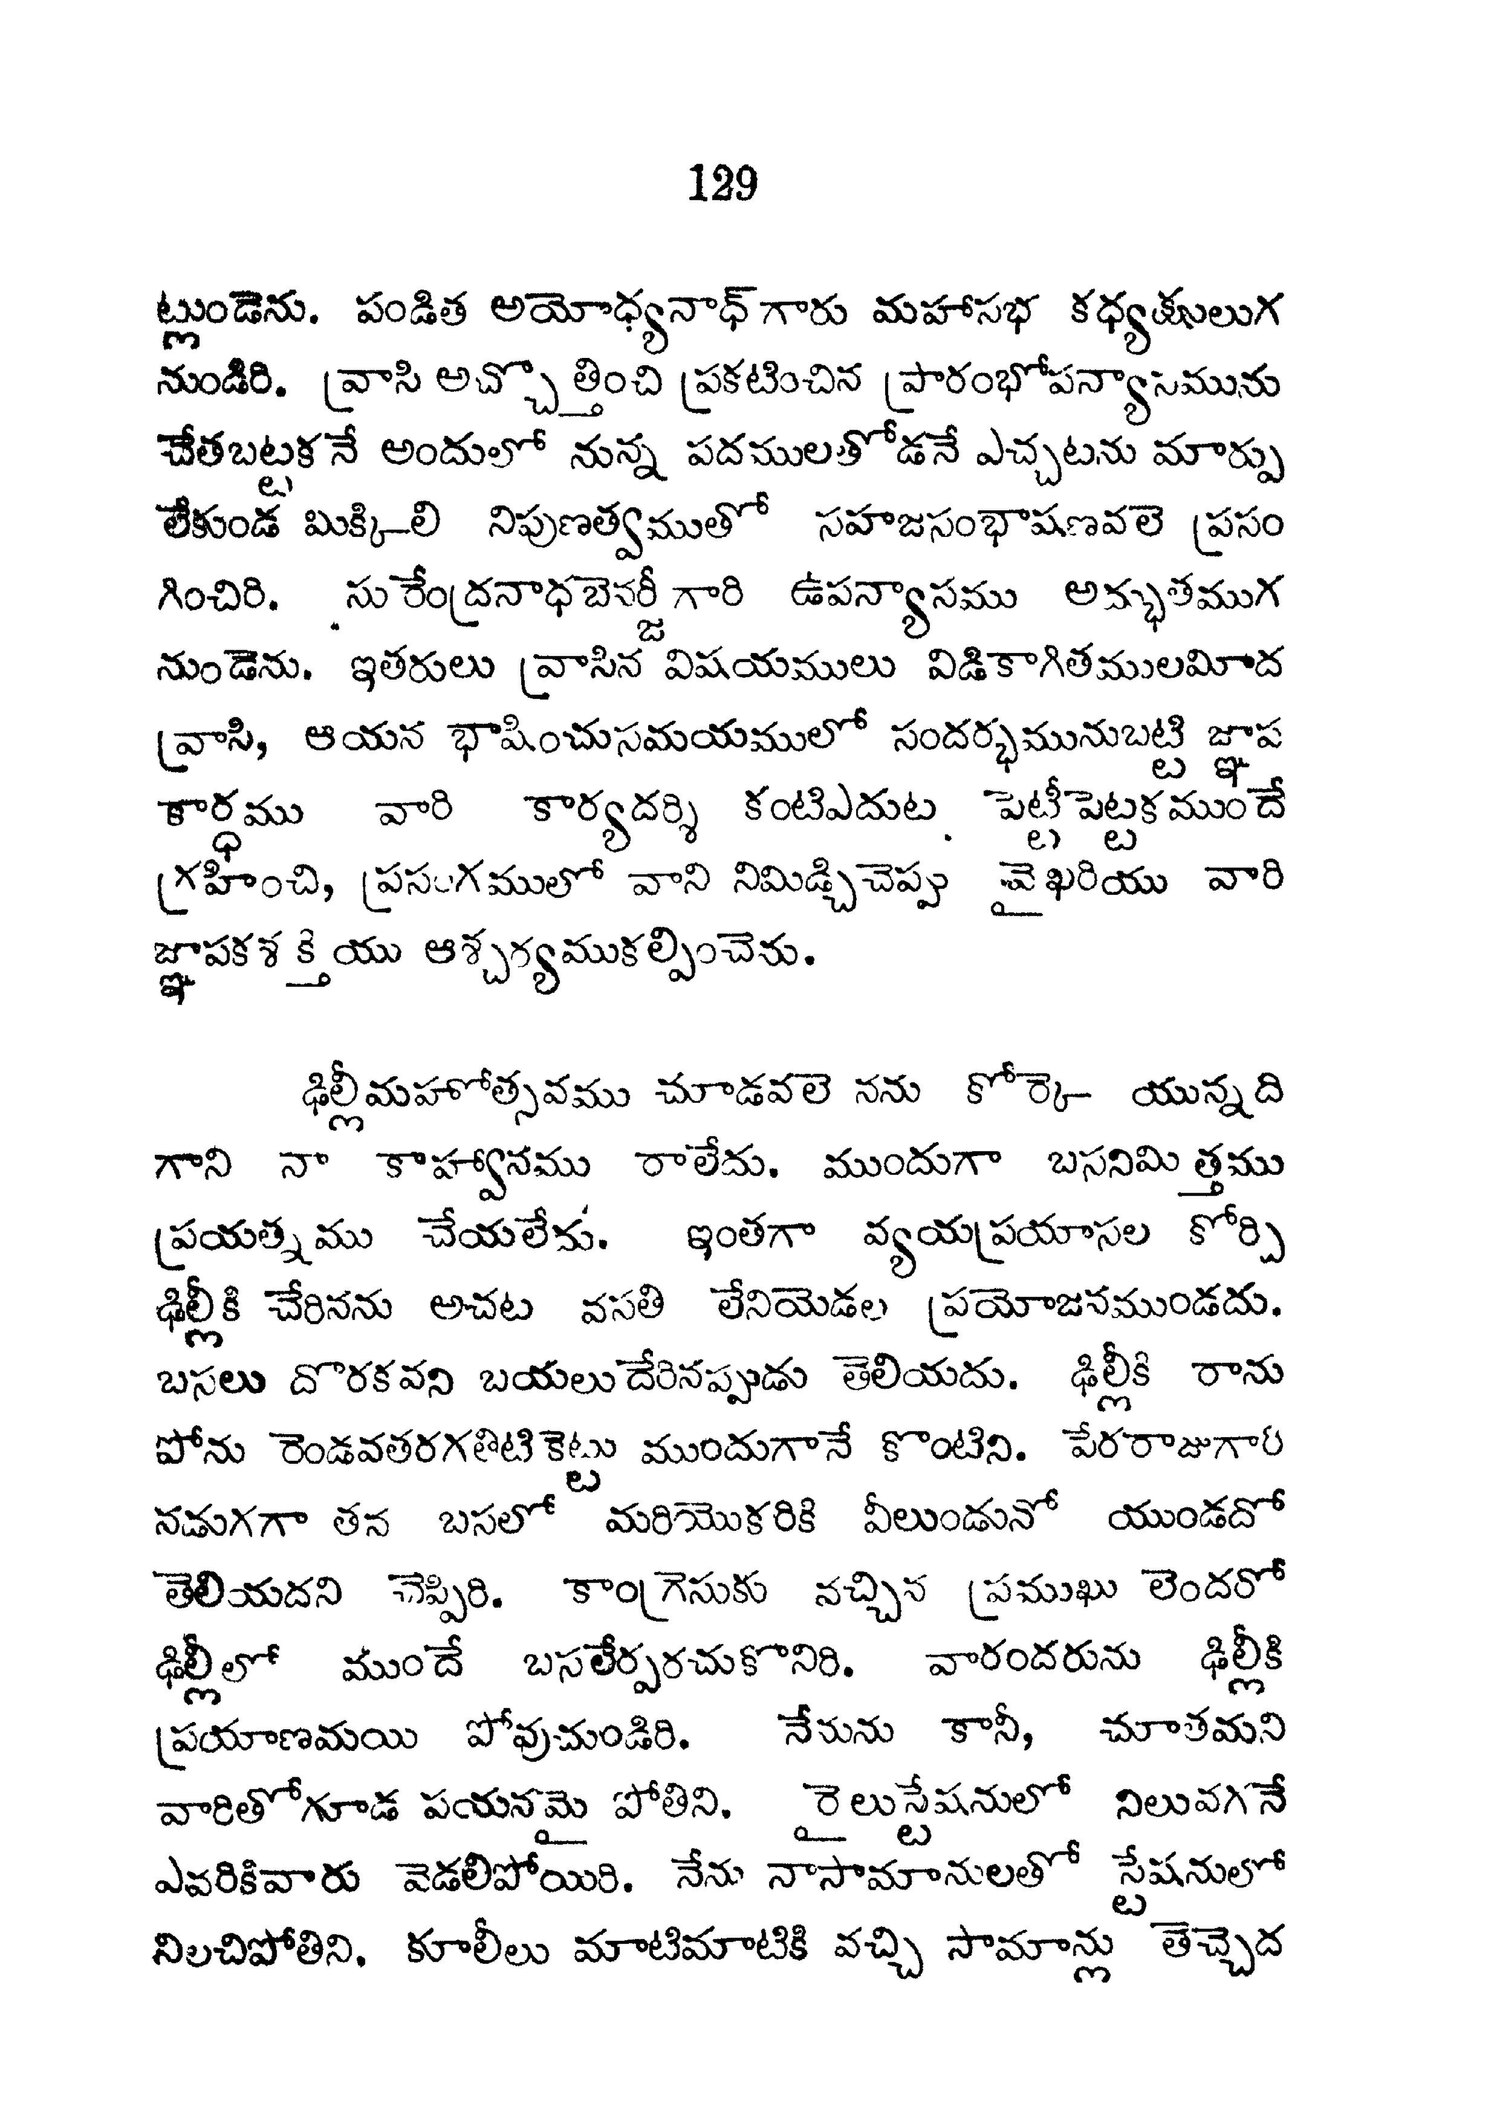ట్లుండెను. పండిత అయోధ్యనాధ్‌గారు మహాసభ కధ్యక్షులుగ నుండిరి. వ్రాసి అచ్చొత్తించి ప్రకటించిన ప్రారంభోపన్యాసమును చేతబట్టకనే అందులో నున్న పదములతోడనే ఎచ్చటను మార్పులేకుండ మిక్కిలి నిపుణత్వముతో సహజసంభాషణవలె ప్రసంగించిరి. సురేంద్రనాధబెనర్జీగారి ఉపన్యాసము అద్భుతముగ నుండెను. ఇతరులు వ్రాసిన విషయములు విడికాగితములమీద వ్రాసి, ఆయన భాషించుసమయములో సందర్భమునుబట్టి జ్ఞాపకార్ధము వారి కార్యదర్శి కంటిఎదుట పెట్టీపెట్టకముందే గ్రహించి, ప్రసంగములో వాని నిమిడ్చిచెప్పు వైఖరియు వారి జ్ఞాపకశక్తియు ఆశ్చర్యముకల్పించెను.

డిల్లీమహోత్సవము చూడవలె నను కోర్కె యున్నది గాని నా కాహ్వానము రాలేదు. ముందుగా బసనిమిత్తము ప్రయత్నము చేయలేదు. ఇంతగా వ్యయప్రయాసల కోర్చి డిల్లీకి చేరినను అచట వసతి లేనియెడల ప్రయోజనముండదు. బసలు దొరకవని బయలుదేరినప్పుడు తెలియదు. డిల్లీకి రానుపోను రెండవతరగతిటికెట్టు ముందుగానే కొంటిని. పేరరాజుగారి నడుగగా తన బసలో మరియొకరికి వీలుండునో యుండదో తెలియదని చెప్పిరి. కాంగ్రెసుకు వచ్చిన ప్రముఖు లెందరో డిల్లీలో ముందే బసలేర్పరచుకొనిరి. వారందరును డిల్లీకి ప్రయాణమయి పోవుచుండిరి. నేనును కానీ, చూతమని వారితోగూడ పయనమై పోతిని. రైలుస్టేషనులో నిలువగనే ఎవరికివారు వెడలిపోయిరి. నేను నాసామానులతో స్టేషనులో నిలచిపోతిని. కూలీలు మాటిమాటికి వచ్చి సామాన్లు తెచ్చెద